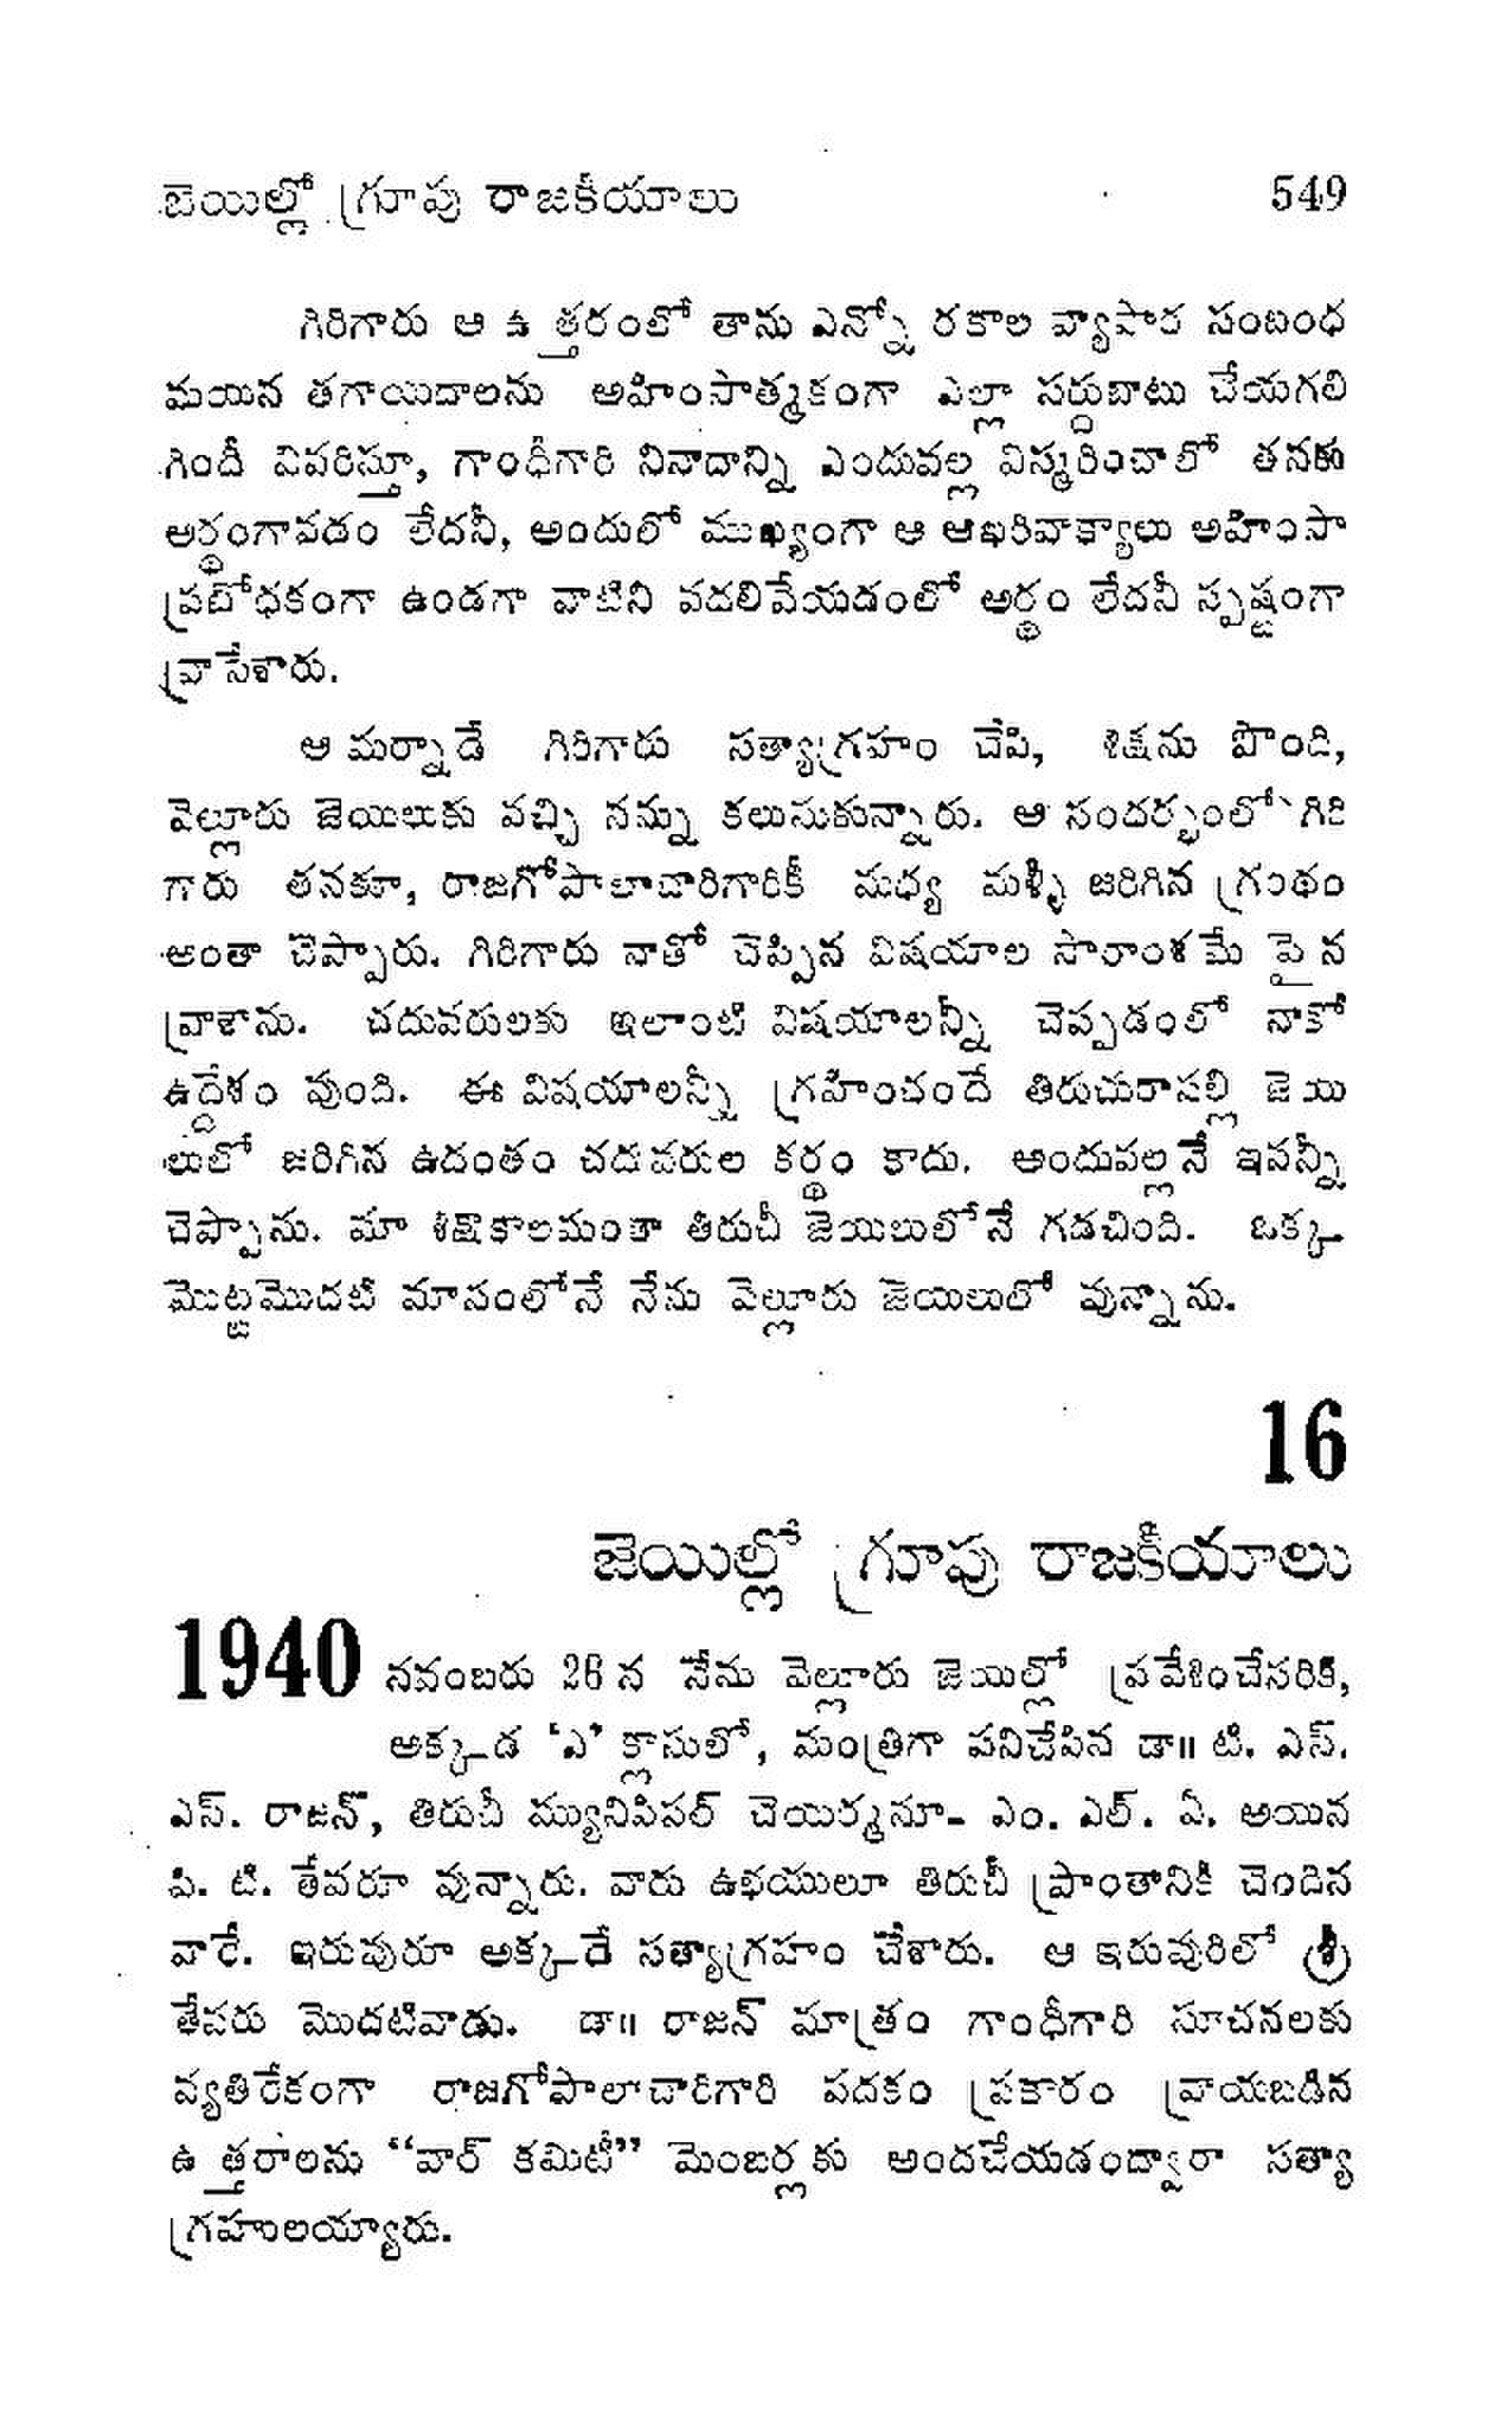గిరిగారు ఆ ఉత్తరంలో తాను ఎన్నో రకాల వ్యాపార సంబంధమయిన తగాయిదాలను అహింసాత్మకంగా ఎల్లా సర్దుబాటు చేయగలిగిందీ వివరిస్తూ, గాంధీగారి నినాదాన్ని ఎందువల్ల విస్మరించాలో తనకు అర్థం గావడం లేదనీ, అందులో ముఖ్యంగా ఆ ఆఖరి వాక్యాలు అహింసా ప్రబోధకంగా ఉండగా వాటిని వదలి వేయడంలో అర్థం లేదనీ స్పష్టంగా వ్రాసేశారు.

ఆ మర్నాడే గిరిగారు సత్యాగ్రహం చేసి, శిక్షను పొంది, వెల్లూరు జెయిలుకు వచ్చి నన్ను కలుసుకున్నారు. ఆ సందర్భంలొ గిరిగారు తనకూ, రాజగోపాలాచారి గారికీ మధ్య మళ్ళీ జరిగిన గ్రంథం అంతా చెప్పారు. గిరిగారు నాతో చెప్పిన విషయాల సారాంశమే పైన వ్రాశాను. చదువరులకు ఇలాంటి విషయాలన్నీ చెప్పడంలో నాకో ఉద్దేశం వుంది. ఈ విషయాలన్నీ గ్రహించందే తిరుచురాపల్లి జెయిలులో జరిగిన ఉదంతం చదువరుల కర్థం కాదు. అందువల్లనే ఇవన్నీ చెప్పాను. మా శిక్షా కాలమంతా తిరుచీ జెయిలులోనే గడచింది. ఒక్క మొట్టమొదటి మాసంలోనే నేను వెల్లూరు జెయిలులో వున్నాను.

1940 నవంబరు 26 న నేను వెల్లూరు జెయిల్లో ప్రవేశించేసరికి, అక్కడ 'ఎ' క్లాసులో, మంత్రిగా పనిచేసిన డా॥ టి. ఎస్. ఎస్. రాజన్, తిరుచీ మ్యునిసిపల్ చెయిర్మనూ - ఎం. ఎల్. ఏ. అయిన పి. టి. తేవరూ వున్నారు. వారు ఉభయులూ తిరుచీ ప్రాంతానికి చెందినవారే. ఇరువురూ అక్కడే సత్యాగ్రహం చేశారు. ఆ ఇరువురిలో శ్రీ తేవరు మొదటివాడు. డా॥ రాజన్ మాత్రం గాంధీగారి సూచనలకు వ్యతిరేకంగా రాజగోపాలాచారిగారి పదకం ప్రకారం వ్రాయ బడిన ఉత్తరాలను "వార్ కమిటీ" మెంబర్లకు అందచేయడంద్వారా సత్యా గ్రహులయ్యారు.